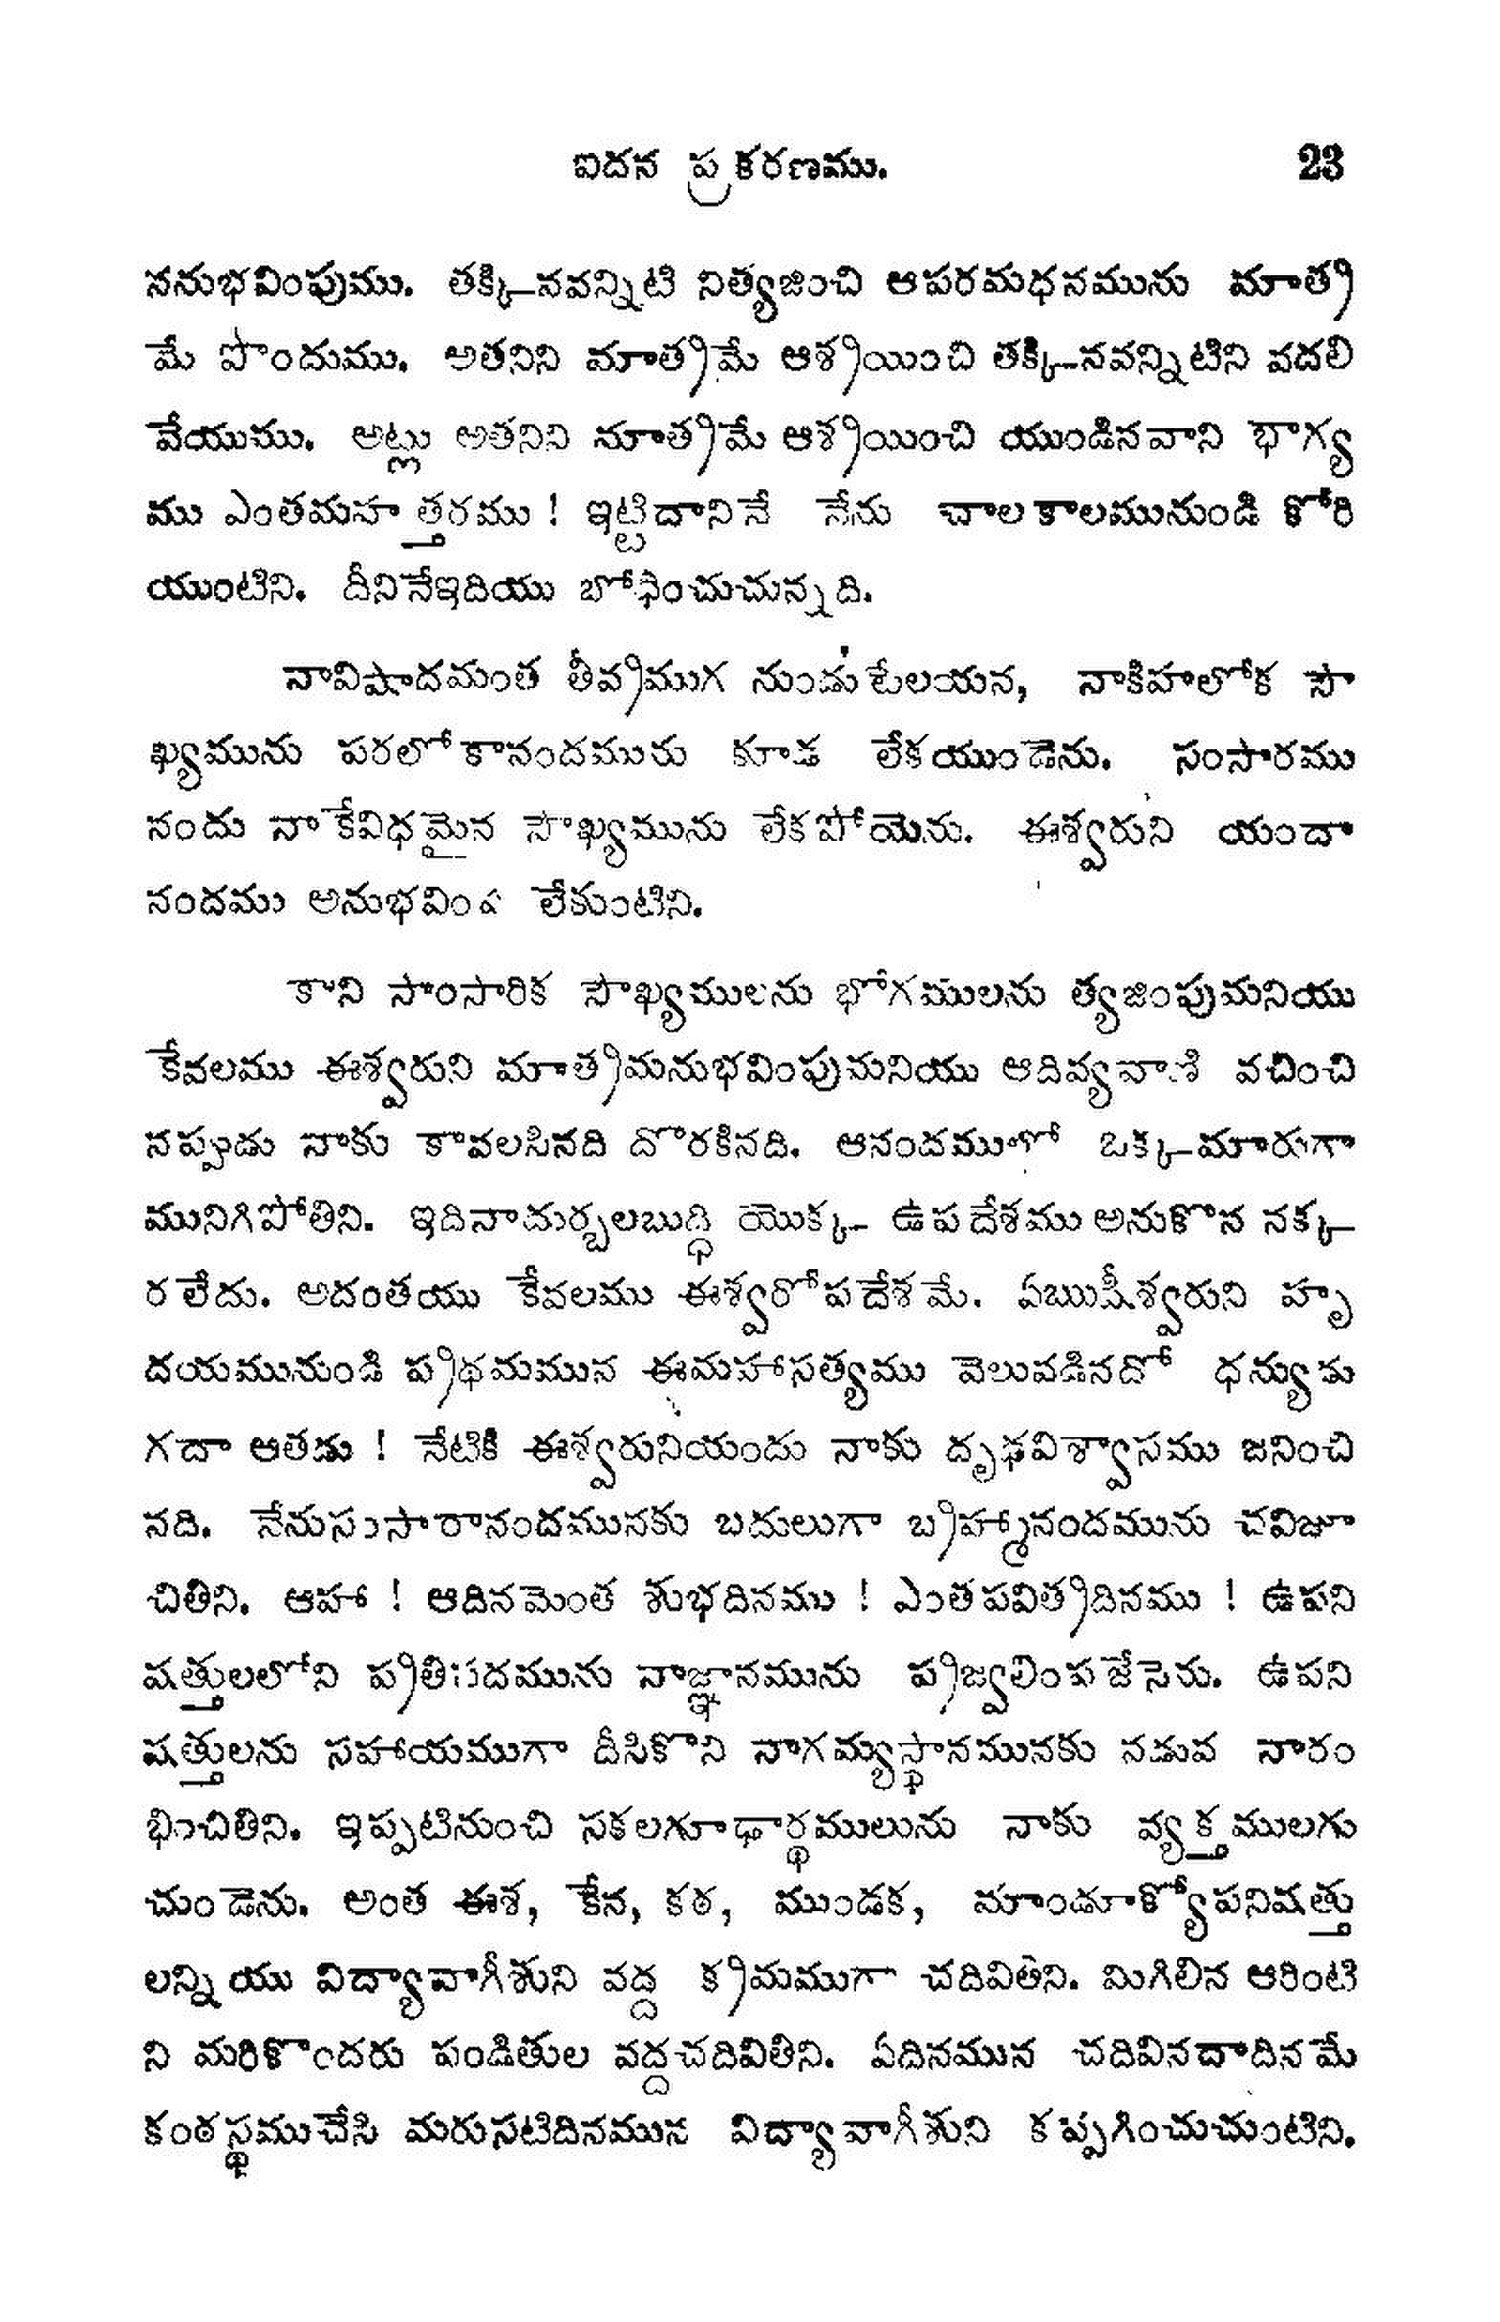సనుభవింపుము. తక్కినవన్నిటి నిత్యజించి ఆ పరమ ధనమును మాత్రమే పొందుము. అతనిని మాత్రమే ఆశ్రయించి తక్కినవన్నిటిని వదలి వేయుము. అట్లు అతనిని మాత్రమే ఆశ్రయించి యుండిన వాని భాగ్యము ఎంతమహత్తరము ! ఇట్టిదానినే నేను చాల కాలమునుండి కోరి యుంటిని. దీనినే ఇదియు బోధించుచున్నది.

నావిషాద మంత తీవ్రముగ నుండు టేలయన, నాకిహలోక సౌఖ్యమును పరలో కానందమును కూడ లేక యుండెను. సంసారము సందు నాకేవిధమైన సౌఖ్యమును లేకపోయెను. ఈశ్వరుని యందానందము అనుభవింద లేకుంటిని.

కాని సంసారిక సౌఖ్యములను భోగములను త్యజింపుమనియు కేవలము ఈశ్వరుని మాత్రమనుభవింపు మునియు ఆదివ్యవాణి వచించి నప్పుడు నాకు కావలసినది దొరకినది. ఆనందములో ఒక్క మారుగా మునిగిపోతిని. ఇది నాదుర్బలబుద్ది యొక్క ఉపదేశము అనుకొన నక్క రలేదు. అదంతయు కేవలము ఈశ్వరోపదేశమే. ఏఋషీశ్వరుని హృదయమునుండి ప్రథమమున ఈమహాసత్వము వెలువడినదో ధన్యుడు గదా అతడు ! నేటికి ఈశ్వరునియందు నాకు దృఢవిశ్వాసము జనించి నది. నేను సంసారానందమునకు బదులుగా బ్రహ్మానందమును చవిజూచితిని. ఆహా ! ఆదినమెంత శుభదినము ! ఎంత పవిత్రదినము ! ఉపనిషత్తులలోని ప్రతి: దమును నాజ్ఞానమును ప్రజ్వలింప జేసెను. ఉపని షత్తులను సహాయముగా దీసికొని నా గమ్య స్థానమునకు నడువ నారంబించితిని. ఇప్పటినుంచి సకలగూఢార్థములును నాకు వ్యక్తములగు చుండెను. అంత ఈశ కేన, కఠ, ముండక, నూండూక్యోపనిషత్తు లన్నియు విద్యావాగీశుని వద్ద క్రమముగా చదివితిని. మిగిలిన ఆరింటిని మరికొందరు పండితుల వద్ద చదివితిని. ఏదినమున చదివినదాదినమే కంఠస్థము చేసి మరుసటి దినమున విద్యా వాగీశుని కప్పగించు చుంటిని.